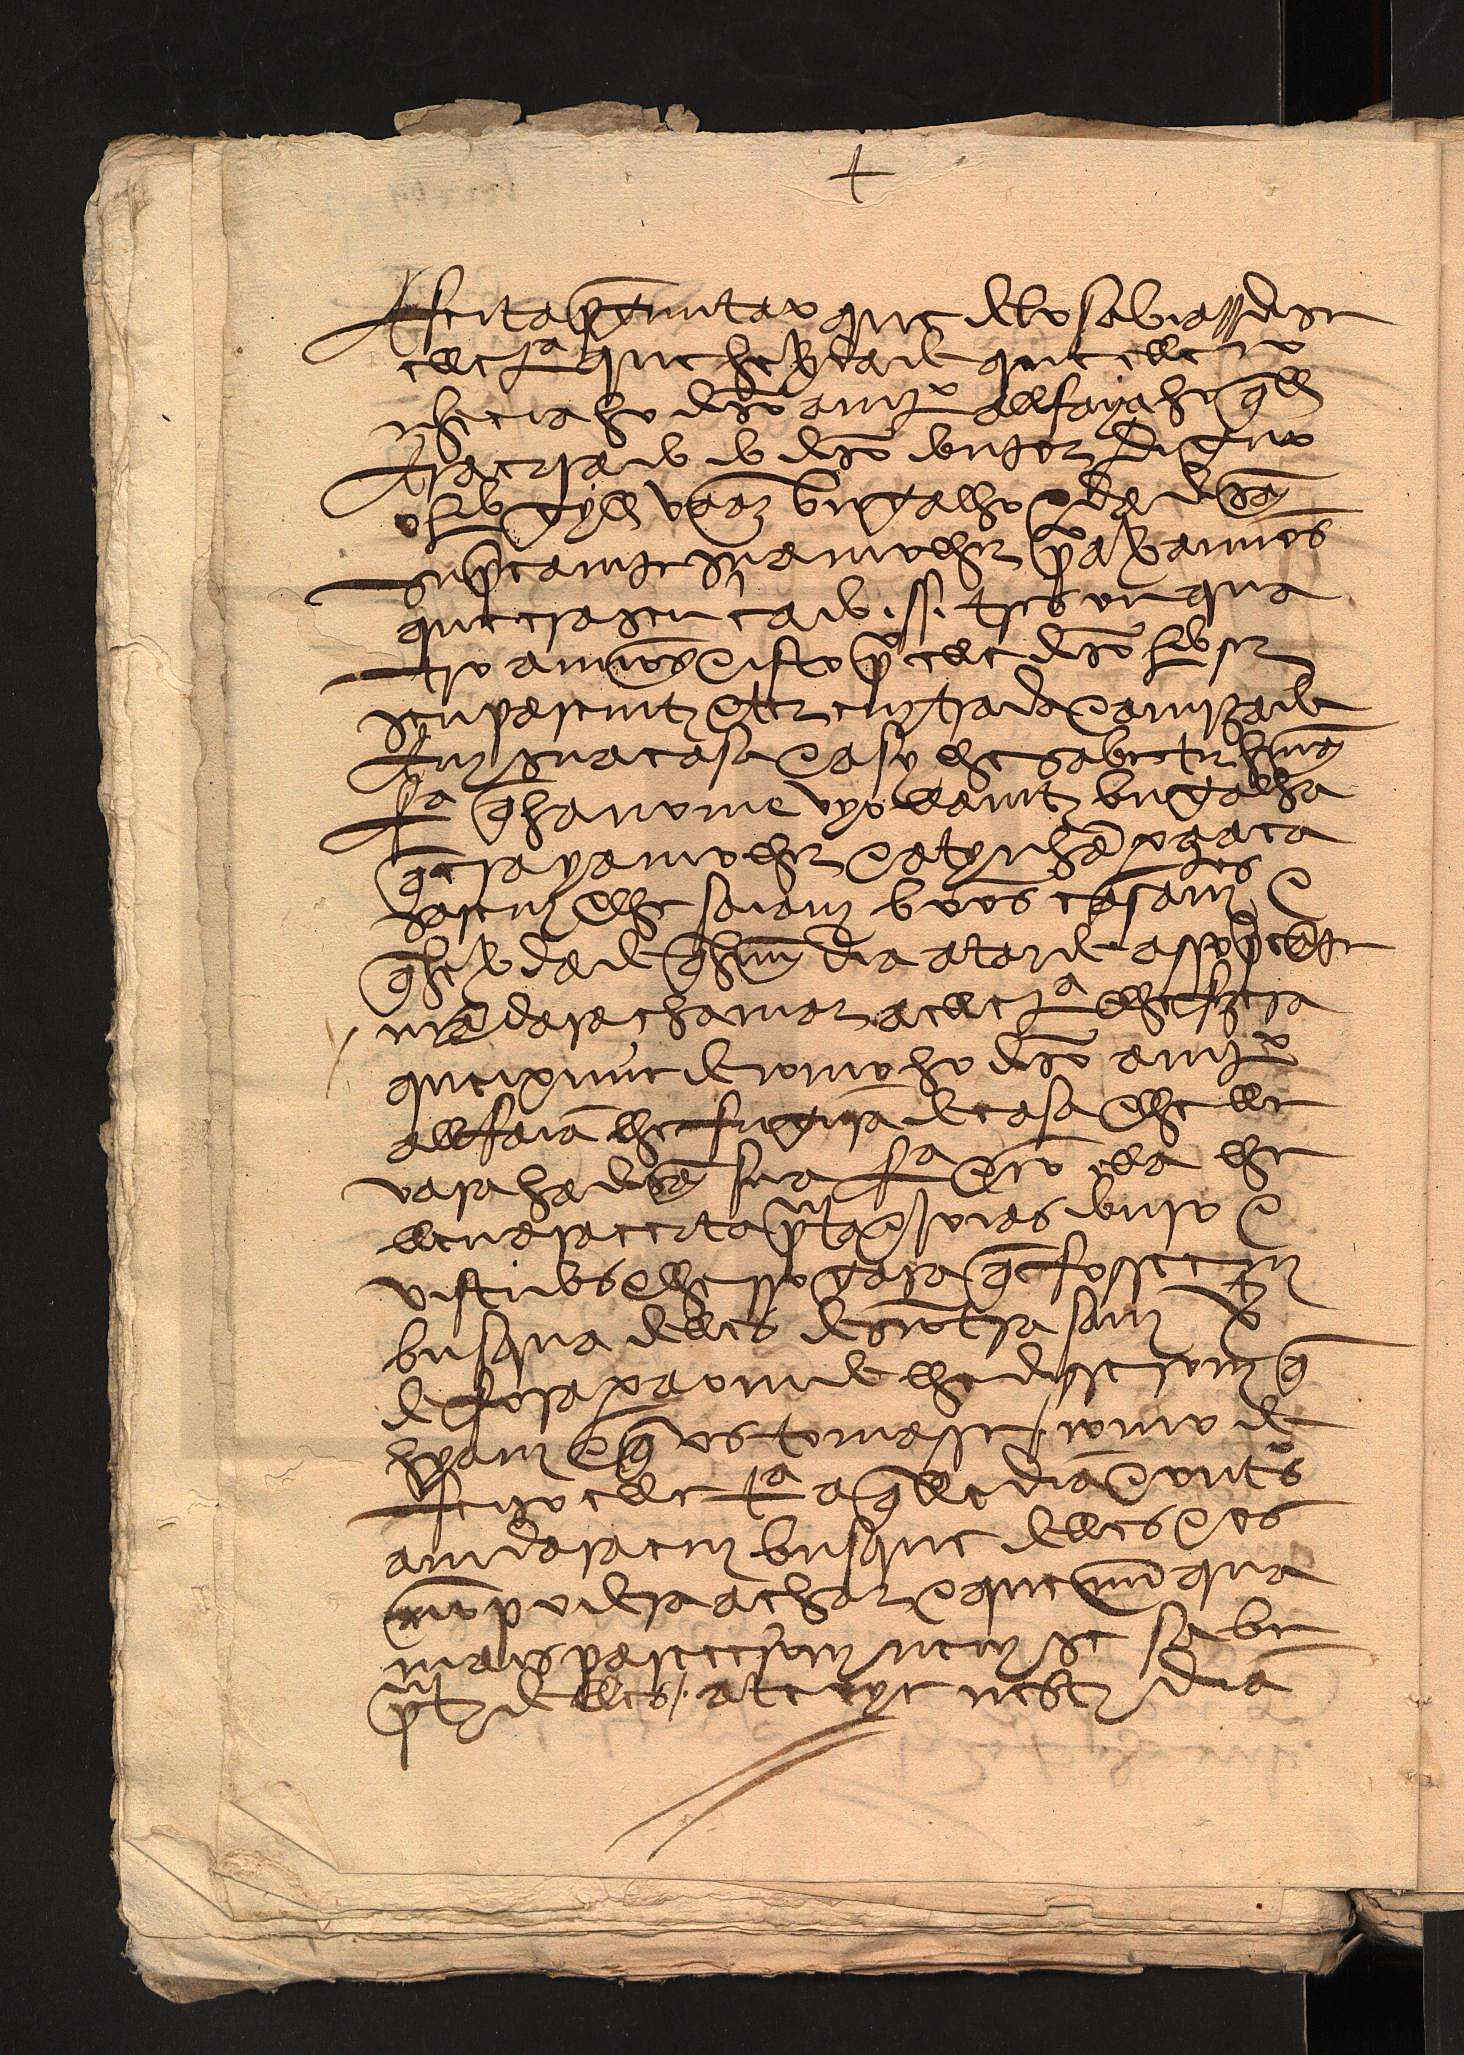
E feita p̄gunta o que delo sabia // dise
elle ta que he ꝟdade que elle co
nhecia ho dito amto allfaya ho q̄ll
Era crjado do dito doutor diguo
o Ldo gyll vāaz bugalho e da dita
sup̄camte sua molher p̄o aꝟ annos
que era seu c̄ado .ss. tres ou qua
tro annos e isto p̄o elle dito Ldo ser
seu paremte e ter emtrada e amjzade
Em sua casa e asy lhe sabe ter huūa
fa q̄ ha nome vyollamte bugalha
q̄ era ya molher e a tynhā ꝑa a ca
sarem e lhe saiam boōs casamtos e
q̄ he ꝟdade q̄ huū dia a tarde a ssop̄cāte
mādara chamar a elle ta e lhe fezera
queixume de como ho dito amto
allfaia lhe fugira de casa e lhe lle
vara ha dita sua fa e c̄o ella lhe
lleuara certa p̄ta e Joias douro e
vestidos e lhe rrogara q̄ fosse em
busqua delles descōtra sam Vte
de fora ꝑa omde lhe disserom q̄
hyam e q̄ os tomasse / como de
feito elle ta aq̄lle dia e outos
amdara em busque delles e os
n̄o podera achar e que nūqua
mais parecerom nem se sabe
p̄te delles /. ate oye neste dia
